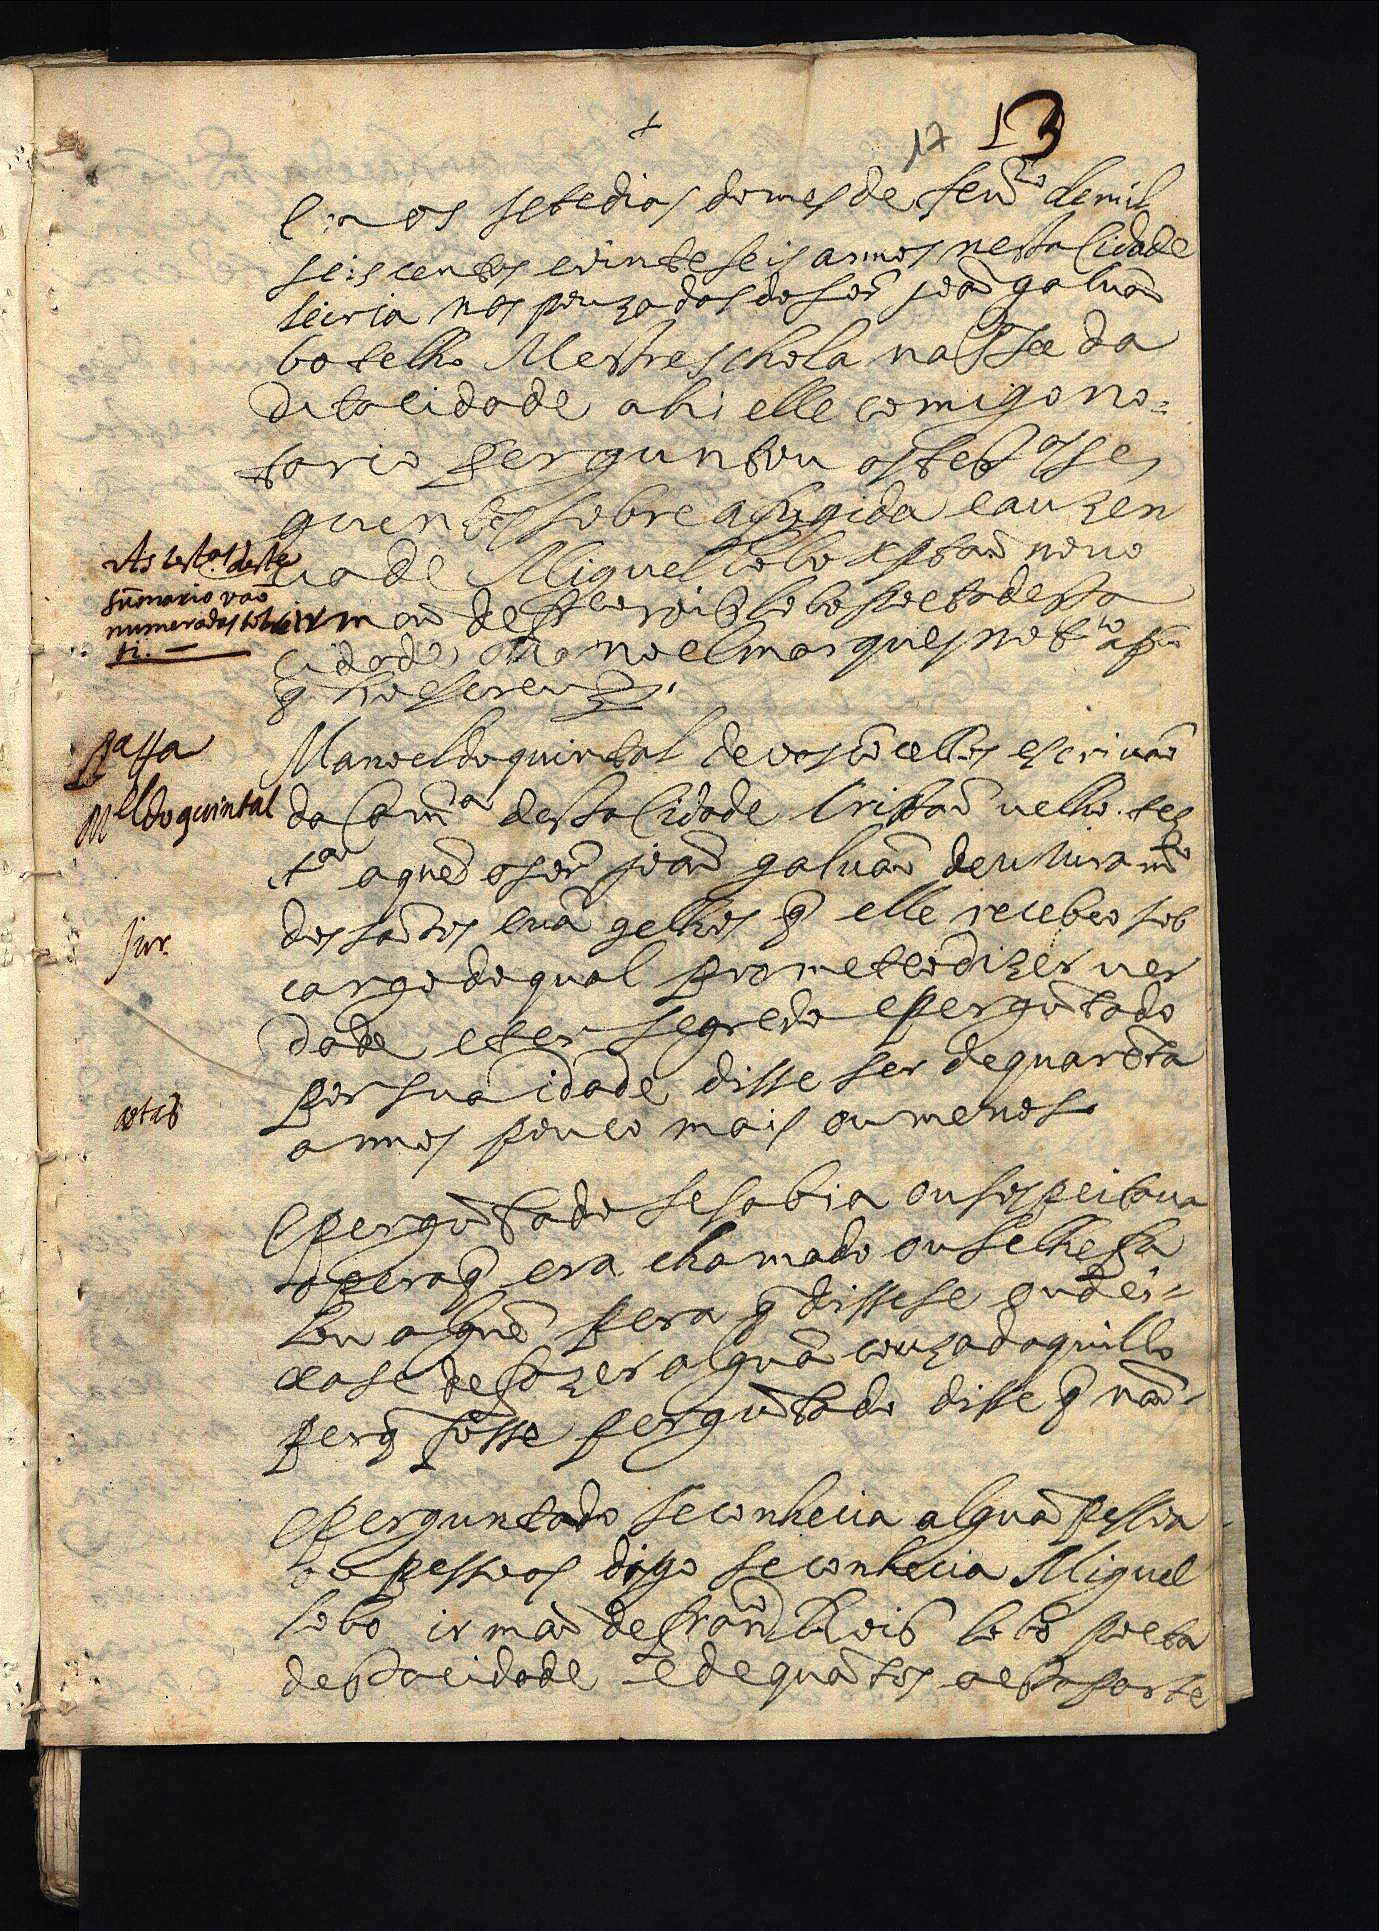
Em os sete dias do mes de feuro de mil
seiscentos e vinte seis annos nesta Cidade
Leiria nas pouzadas do sor̄ joão galuão
botelho Mestre schola na sta See da
dita cidade ahi elle comigo no
tario perguntou as testas se
guintes sobre a fugida e auzen
cia de Miguel lobo xptaõ nouo
irmaõ de frco rois̄ lobo poeta desta
cidade Manoel marques notro apco
q̄ ho escreuy.
Manoel do quintal de vascōcellos escriuão
da Camra desta Cidade Cristaõ uelho tes
ta a quē o sor̄ joaõ galuão deu iuramto
dos sātos euāgelhos q̄ elle recebeo sob
cargo do qual prometeo dizer uer
dade e ter segredo e pergūtado
por sua idade disse ser de quarēta
annos pouco mais ou menos
e pergūtado se sabia ou sospeitaua
o pera q̄ era chamado ou se lhe fa
lou alguē pera q̄ dissese ou dei
xase de fazer alguā couza daquillo
per q̄ fosse pergūtado disse q̄ não
e perguntado se conhecia alguā pessoa
ou pessoas digo se conhecia Miguel
lobo irmão de franco Rois̄ lobo poeta
desta cidade e de quātos a esta parte
As test.as deste
sūmario vaõ
numeradas sobre
si.
1.a tta
Mel do quintal
Jur.
aetas
